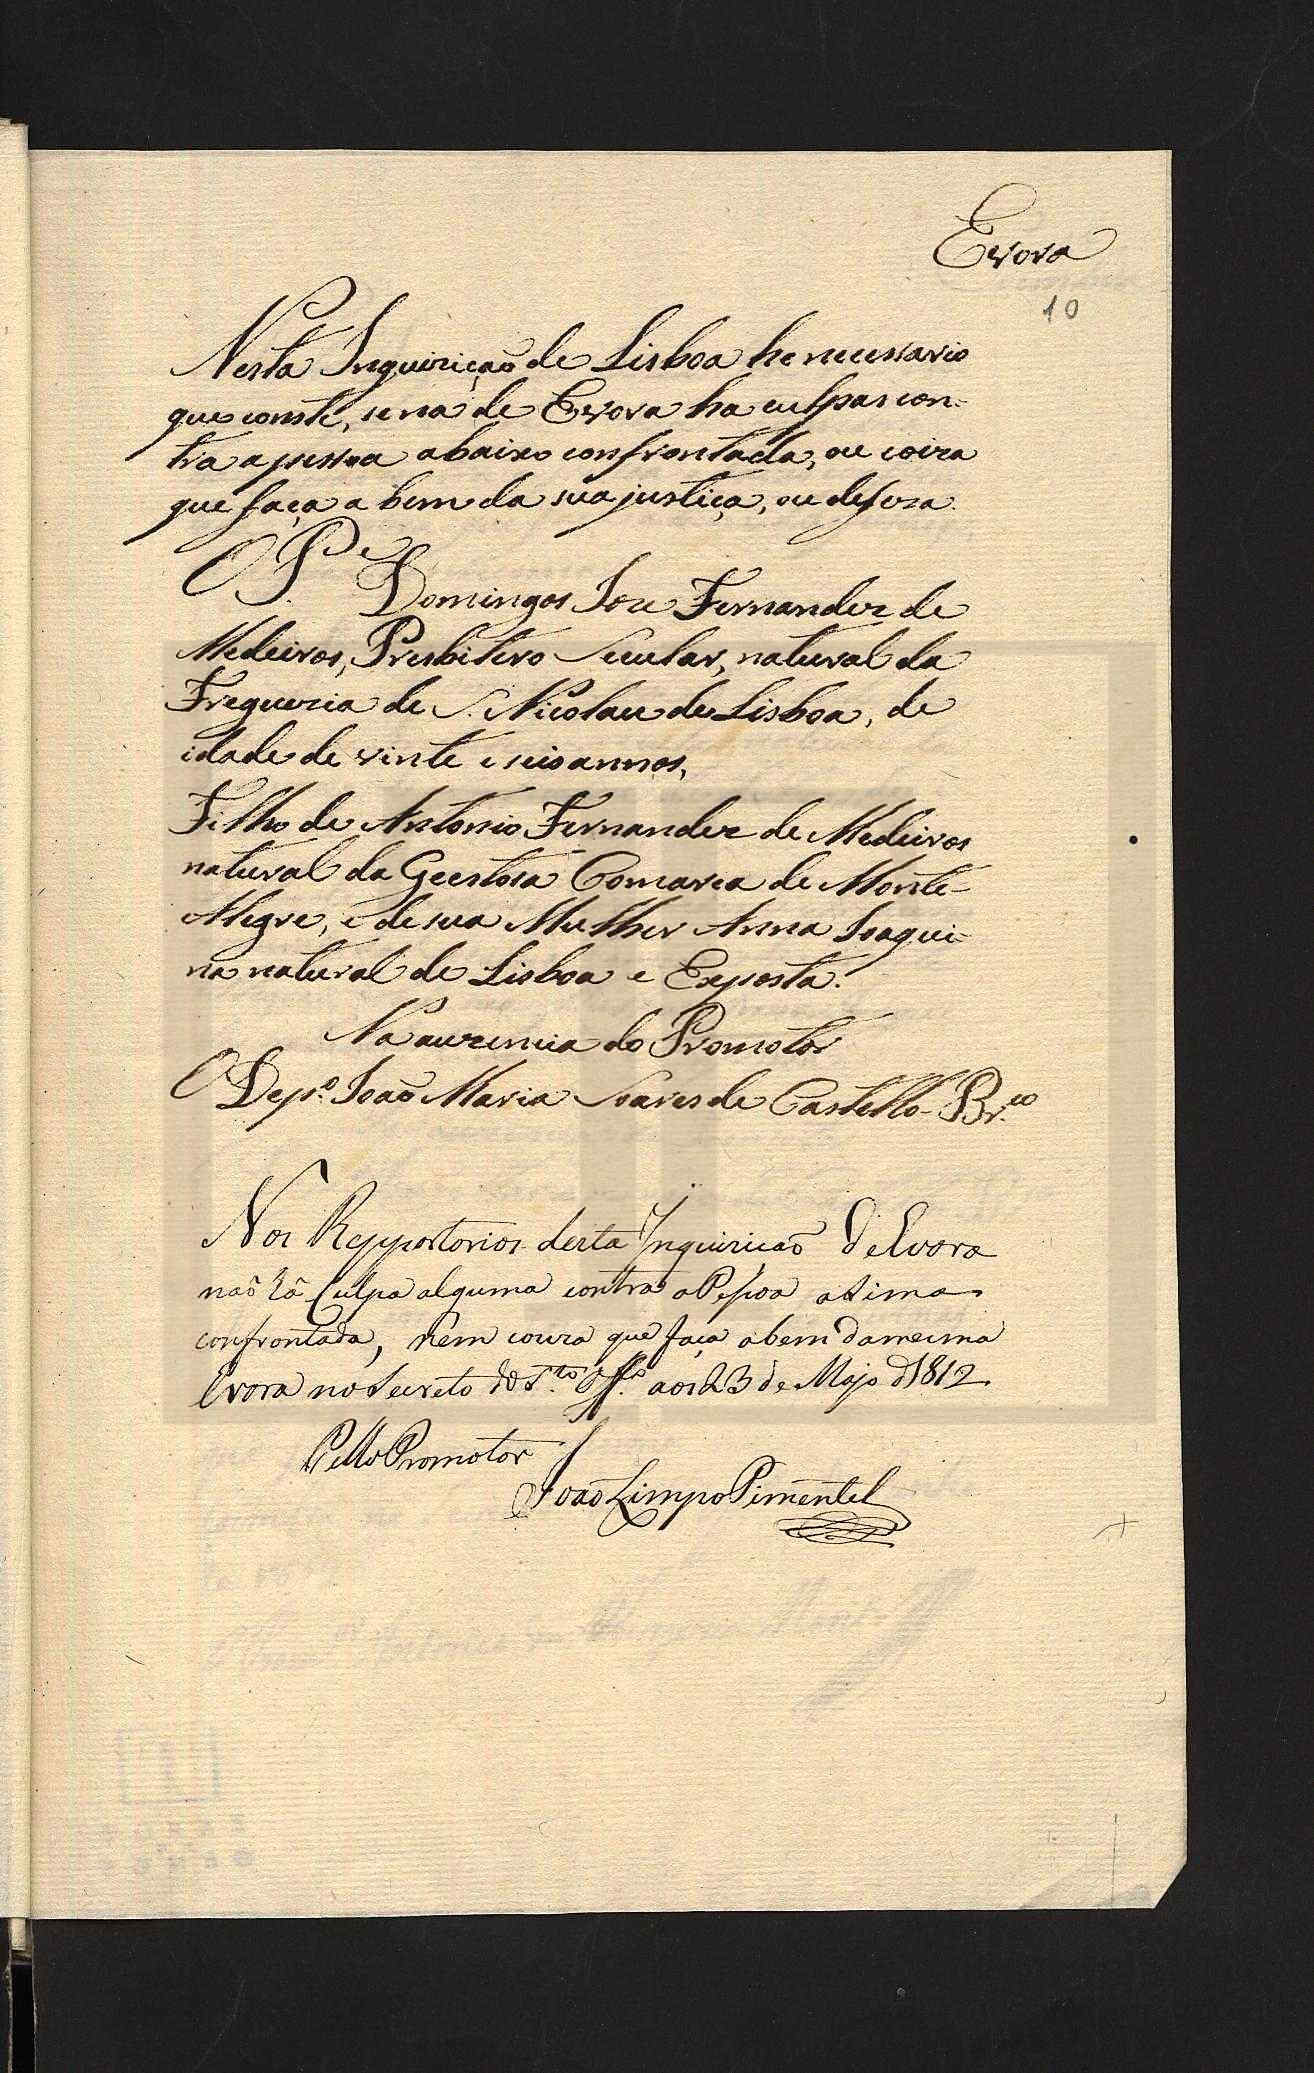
Evora
Nesta Inquiziçaõ de Lisboa he necessario
que conste, senaõ de Evora ha culpas con
tra a pessoa abaixo confrontada, ou coiza
que faça a bem da sua justiça, ou defeza.
O Pe
Domingos Ioze Fernandez de
Medeiros, Presbitero Secular, natural da
Freguezia de S. Nicolau de Lisboa, de
idade de vinte e seis annos,
Filho de Antonio Fernandez de Medeiros
natural da Geestosa, Comarca de Monte
Alegre, e de sua Mulher Anna Ioaqui
na natural de Lisboa e Exposta.
Na auzencia do Promotor
O Dep.o Ioaõ Maria Soares de Castello Br.co
Nos Repportorios desta Jnquiziçaõ de Evora
naõ há Culpa alguma contra a Pessoa asima
confrontada, nem couza que faça o bem da mesma
Evora no Secreto do S.to Off.o aos 23 de Majo d̄ 1812
Pello Promotor
Ioaõ Limpo Pimentel
